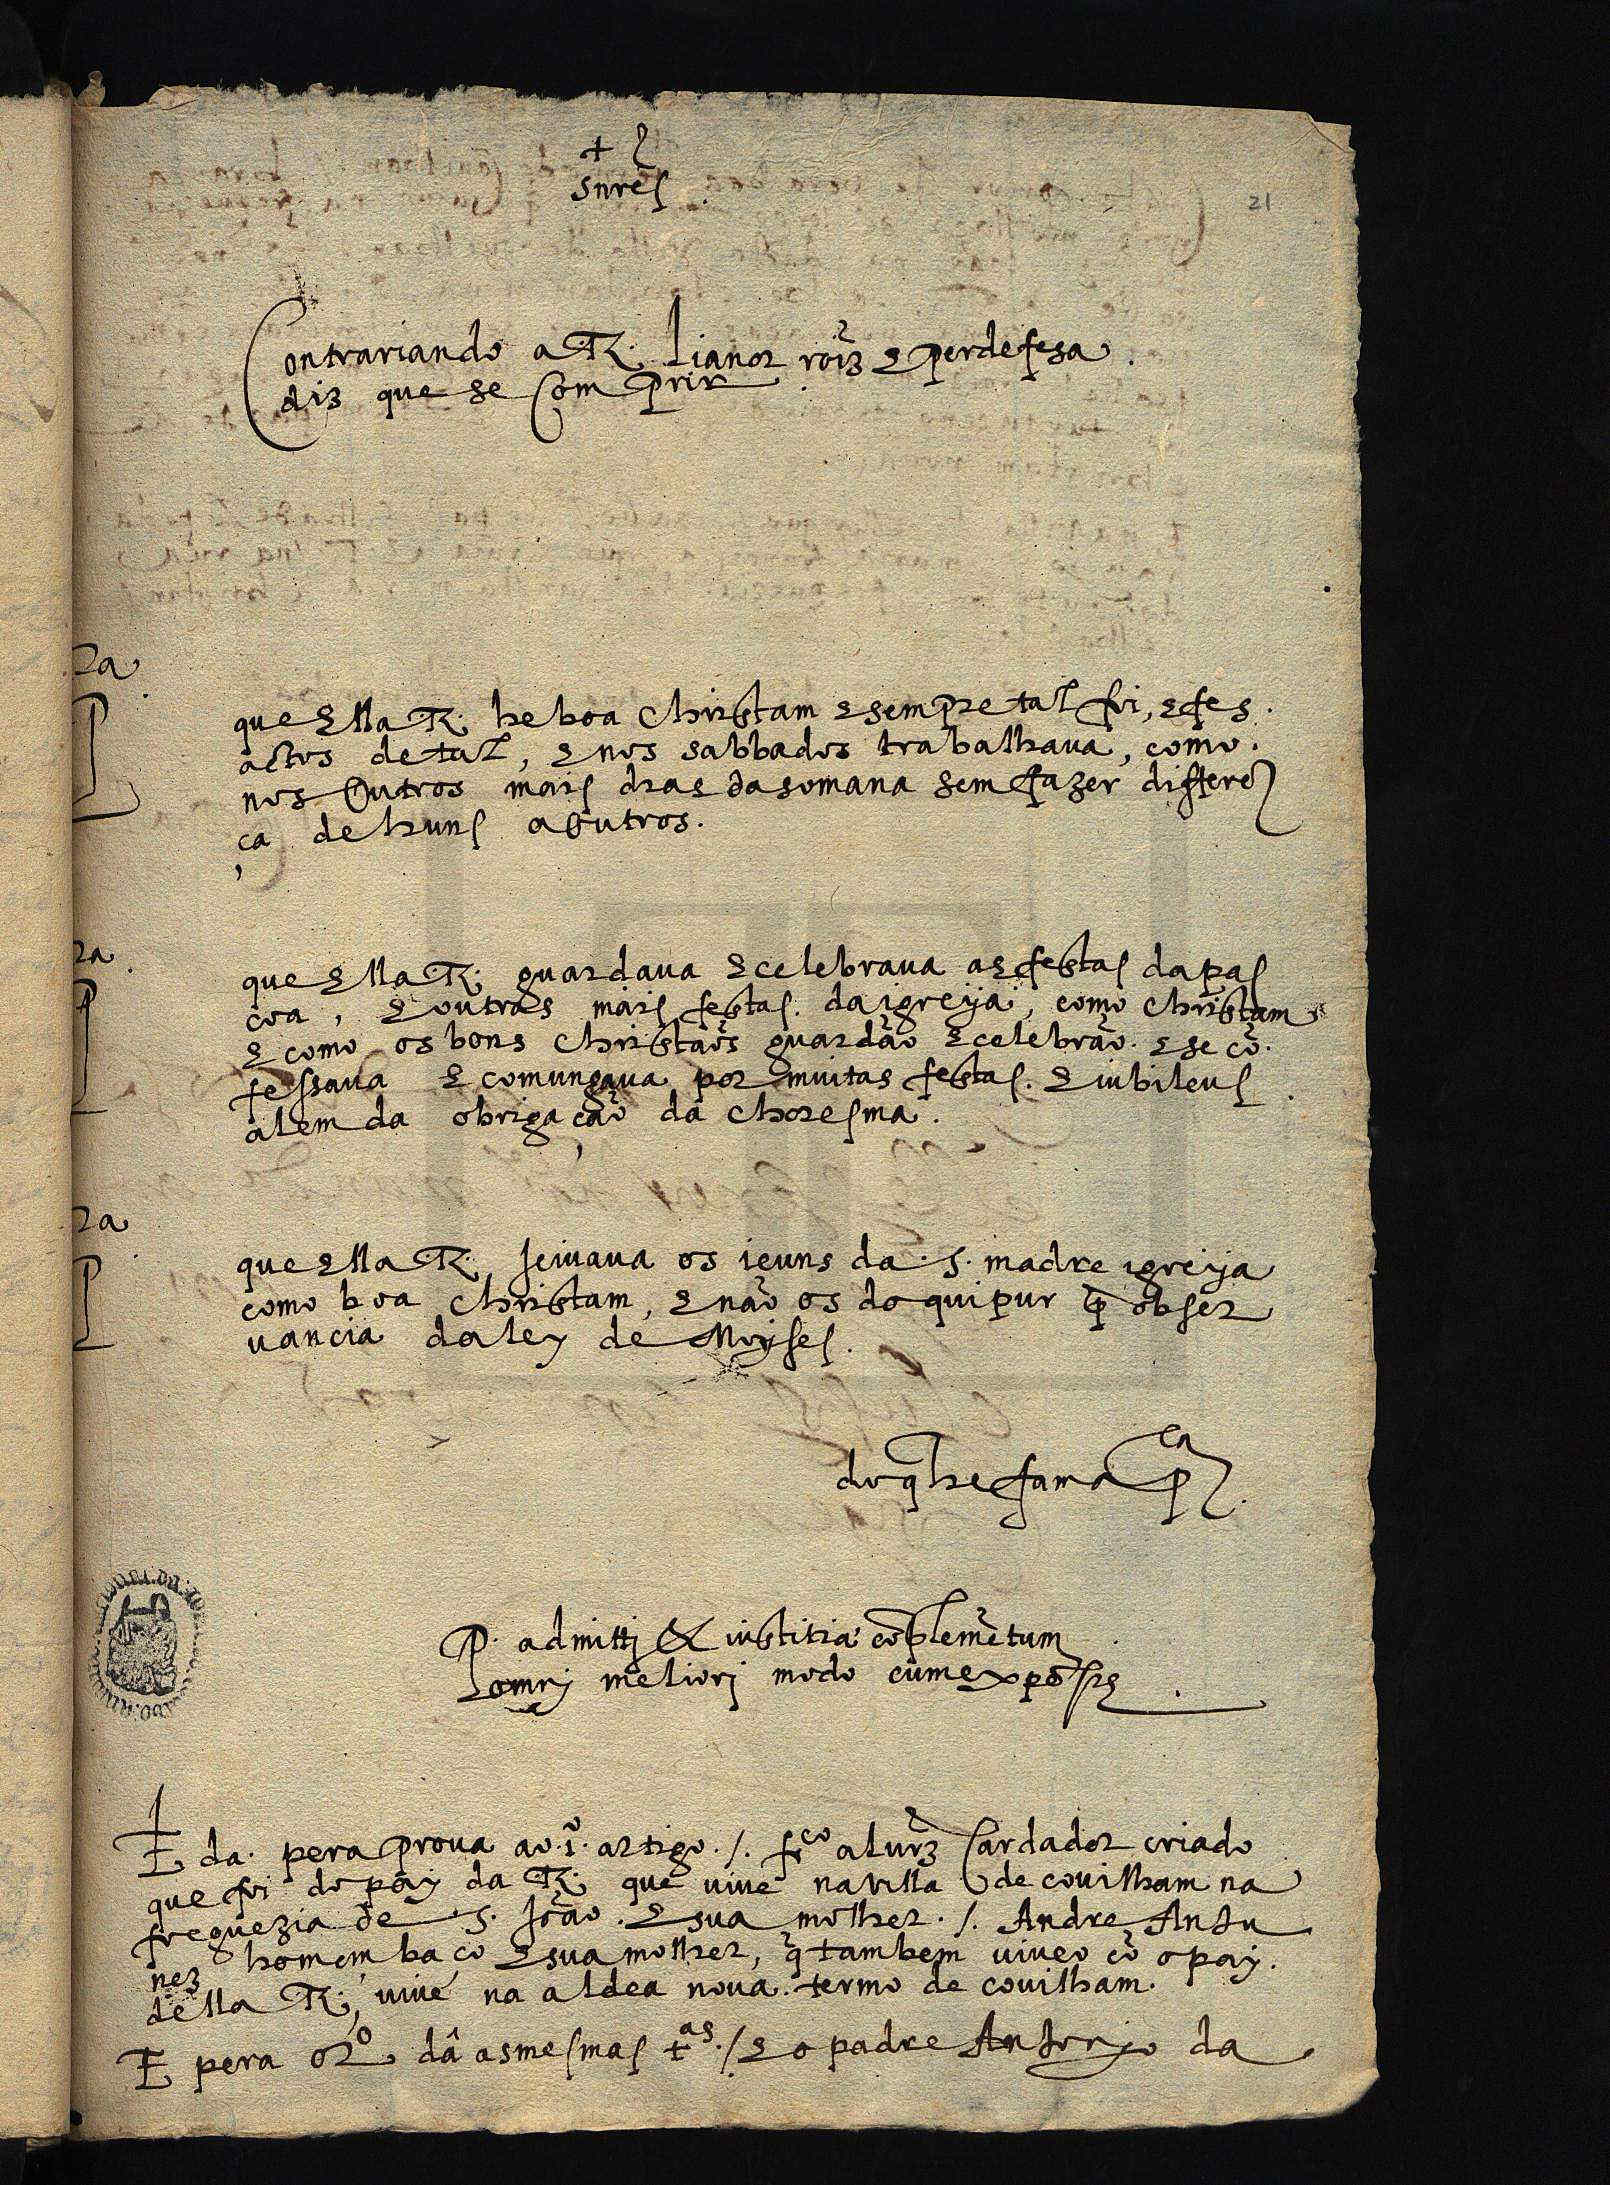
Snrēs
Contrariando a R. Lianor roīz E per defesa
diz que se Comprir
que Ella R. he boa christam E sempre tal foi, E fes
actos de tal, E nos sabbados trabalhaua, como
nos Outros mais dias da somana sem fazer differē
ça de huns a Outros.
que Ella R. guardaua E celebraua as festas da pas
coa, E outras mais festas da igreija, como christam
E como os bons christaõs guardão E celebrão E se cō
fessaua E comungaua por muitas festas E iubileus
alem da obrigaçaõ da choresma.
que Ella R. Jeiuaua os ieuns da .S. madre igreija
como boa christam, E naõ os do quipur p̄ obser
uancia da ley de Moyses.
do q̄ he fama p̄ca
P. admittj & iustitia cōplemētum
omnj meliorj modo cum expēsis
E da. pera Proua ao .1o. artigo ./. frco alur̄z Cardador criado
que foi do pay da R. que uiue na villa de couilham na
freguezia de S. João . E sua molher ./. Andre Antu
nez homem baço E sua molher, q̄ também uiueo cō o pay
della R., uiue na aldea noua. termo de couilham
E pera o 2o dâ as mesmas tas. / E o padre Antonjo da
